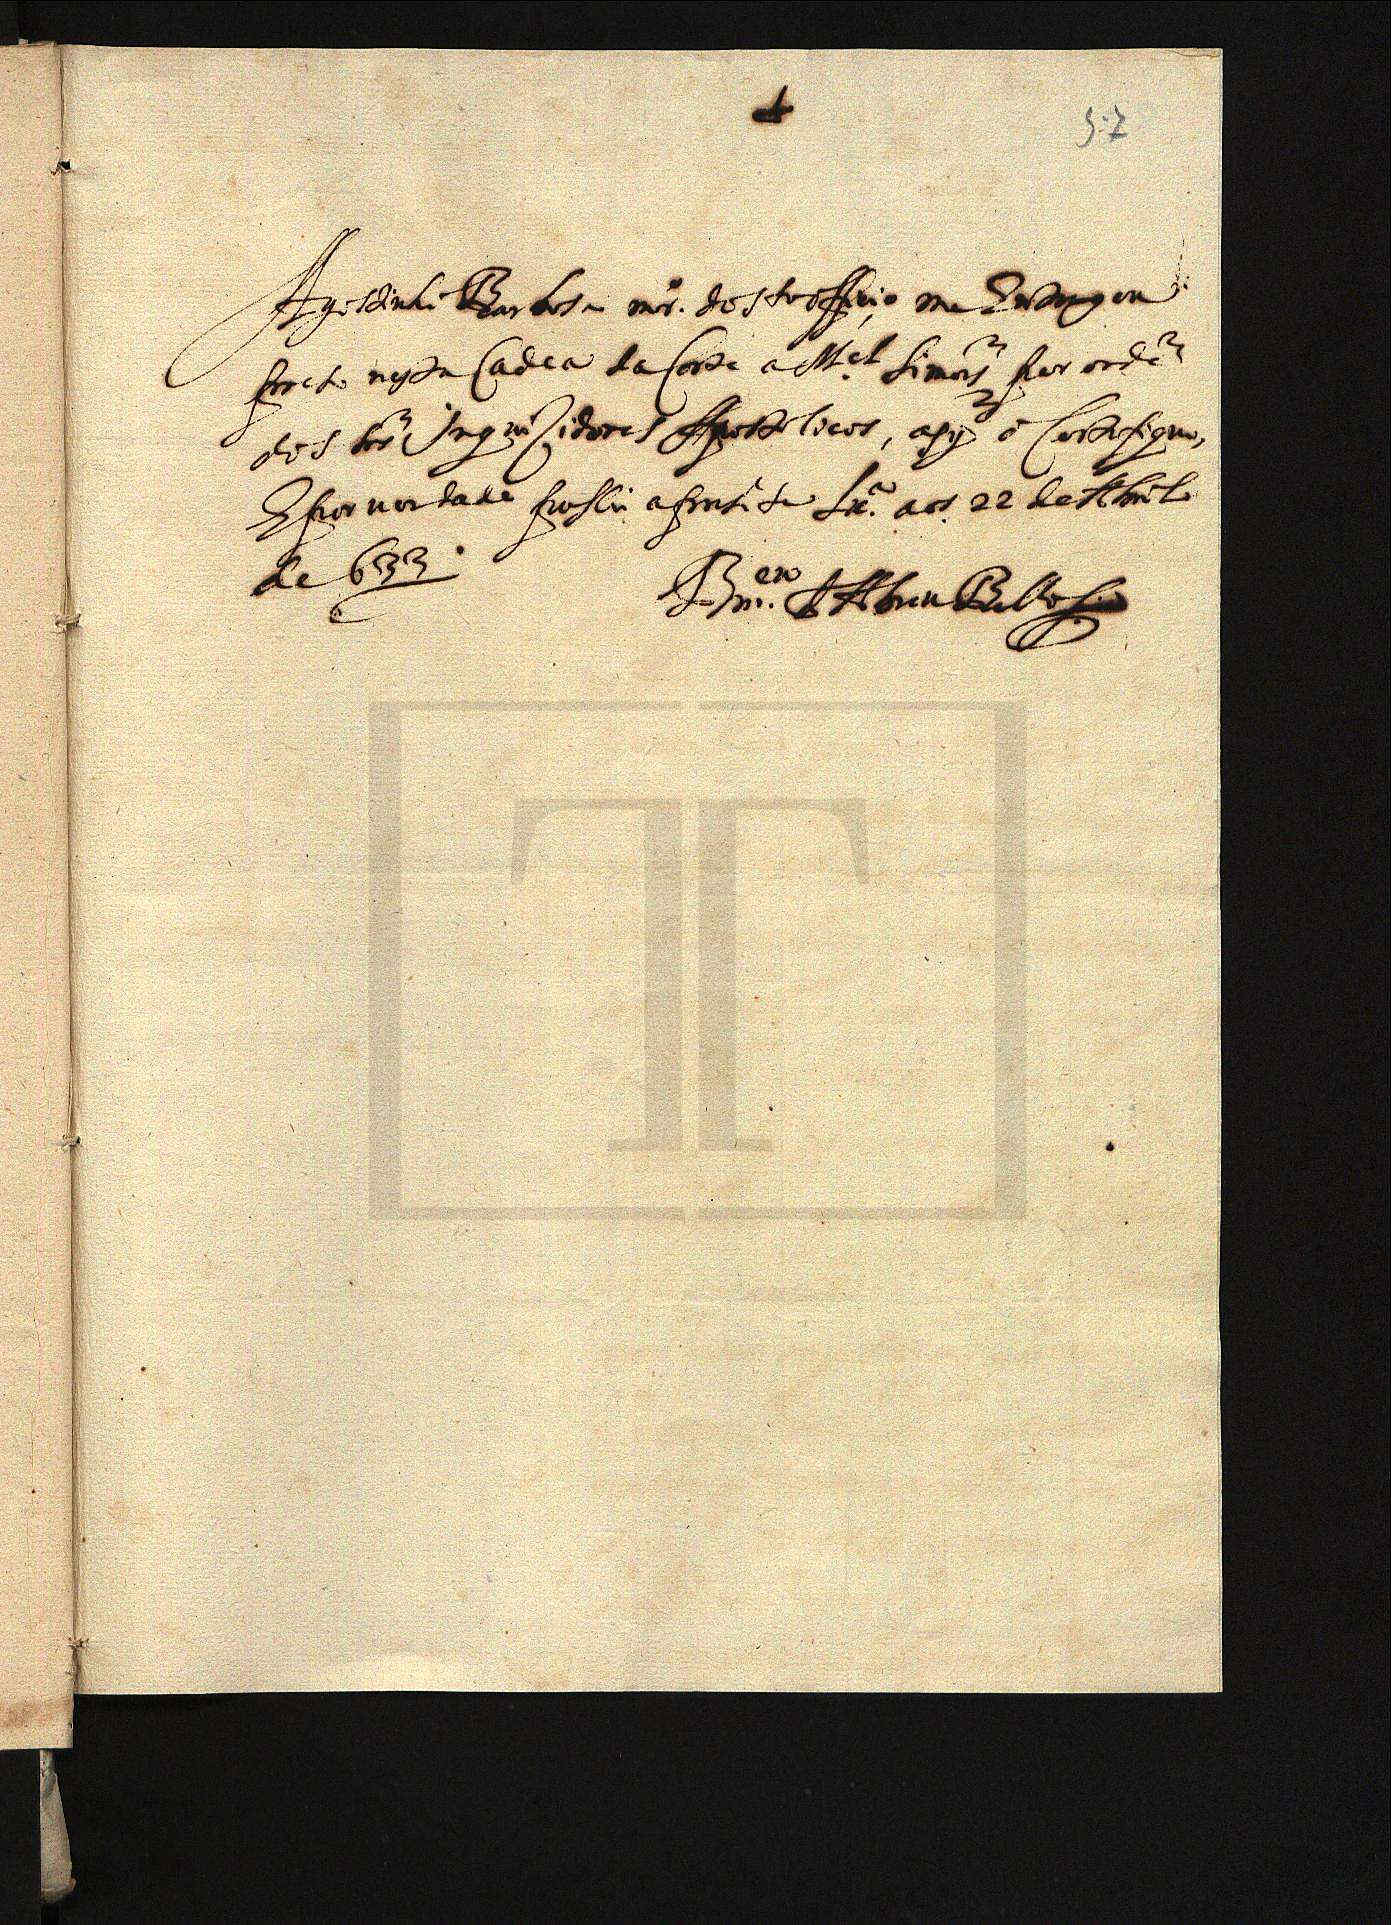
Agostinho Barbosa mro. do sto officio me Entregou
preso nesta Cadea da Corte a M.el Simoĩs por ordē
dos sor̄ Inquizidores Apostolicos, asȳ o Certifiquo,
E por uerdade passei a presēte Lx.a aos 22 de Abril
de 633.
